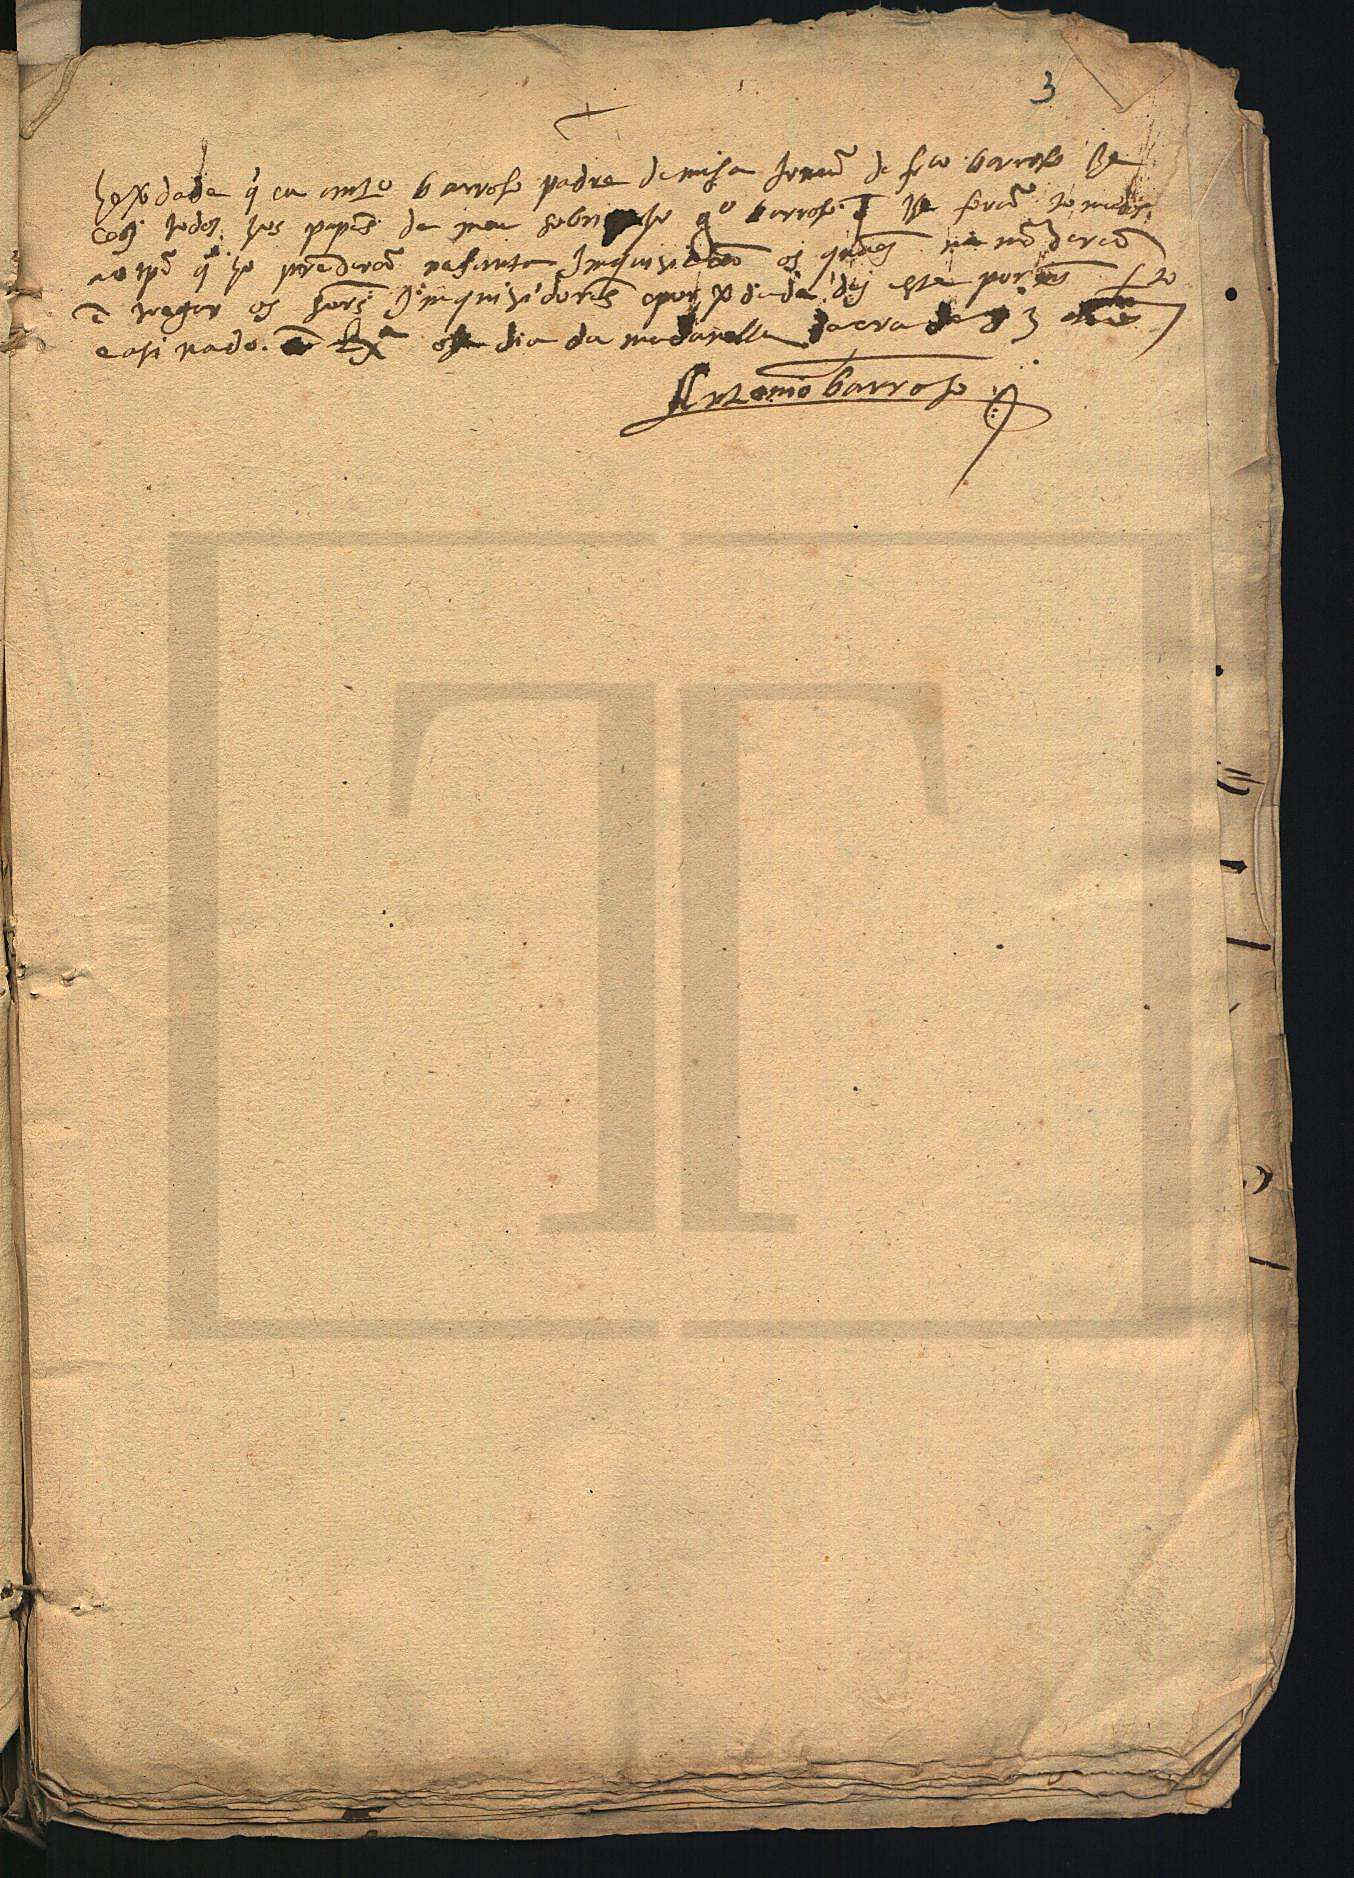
he ꝟdade q̄ eu anto barroso padre de misa Jrmaõ de frco barroso Re
cebj todos hos papes de meu sobrinho go barroso q̄ lhe forão tomados
ao tpō q̄ ho prēderão na Sancta Jmquisição os quaes me mādarão
ētregar os sōrs Jmquisidores e por ꝟdade dej este por mj̄ fto
e asinado. ē Lxa oJe dia da madanella era de 83 anos
Antonio barroso
